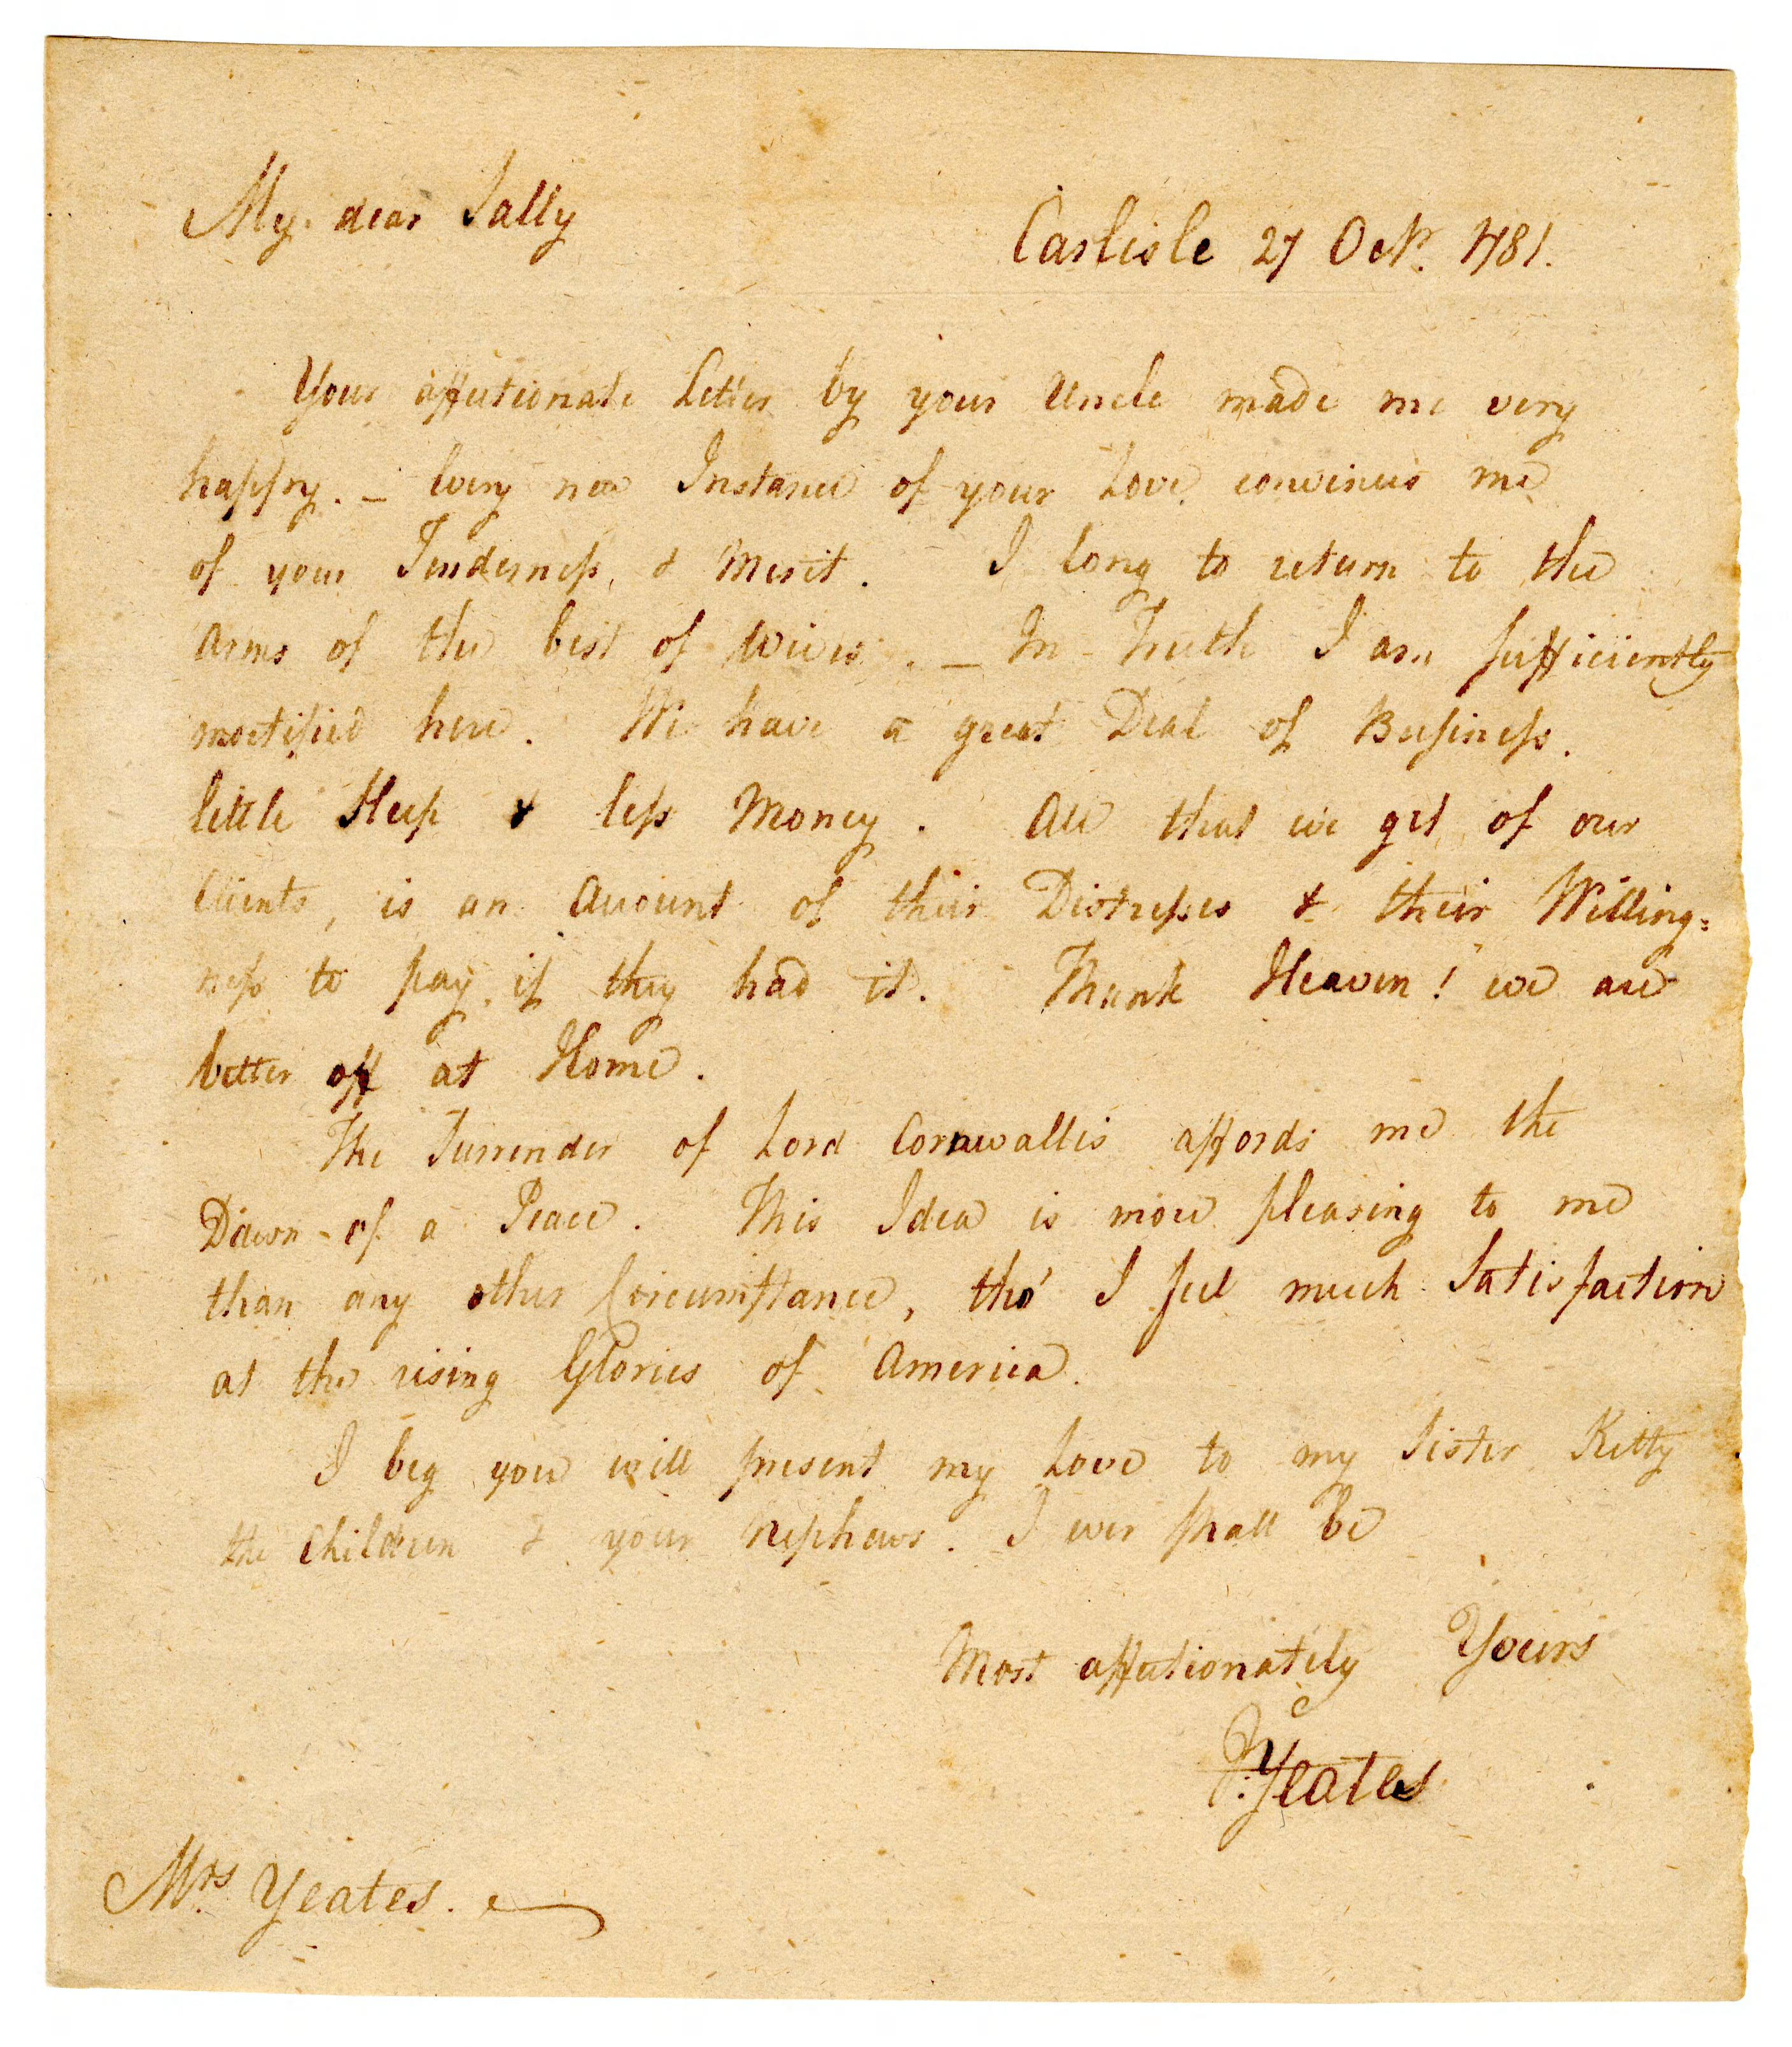Carlisle 27 Oct^r. 1781.
My dear Sally
Your affectionate Letter by your Uncle made me very
happy. Evey new Instance of your Love convinces me
of your Tenderness & Merit. I long to return to the
arms of the best of Wives. In truth I am sufficiently
mortified here. We have a great Deal of Business
little Sleep & less Money. All that we get of our
Clients is an Account of their Distresses & their Willing-
-ness to pay if they had it. Thank Heaven! we are
better off at Home.
The Surrender of Lord Cornwallis affords me the
Dawn of a Peace. This Idea is more pleasing to me
than any other Circumstance, tho' I feel much Satisfaction
at the rising Glories of America.
I beg you will present my Love to my Sister Kitty
the Children & your nephews. I ever shall be
Most affectionately Yours
J. Yeates
M^rs. Yeates